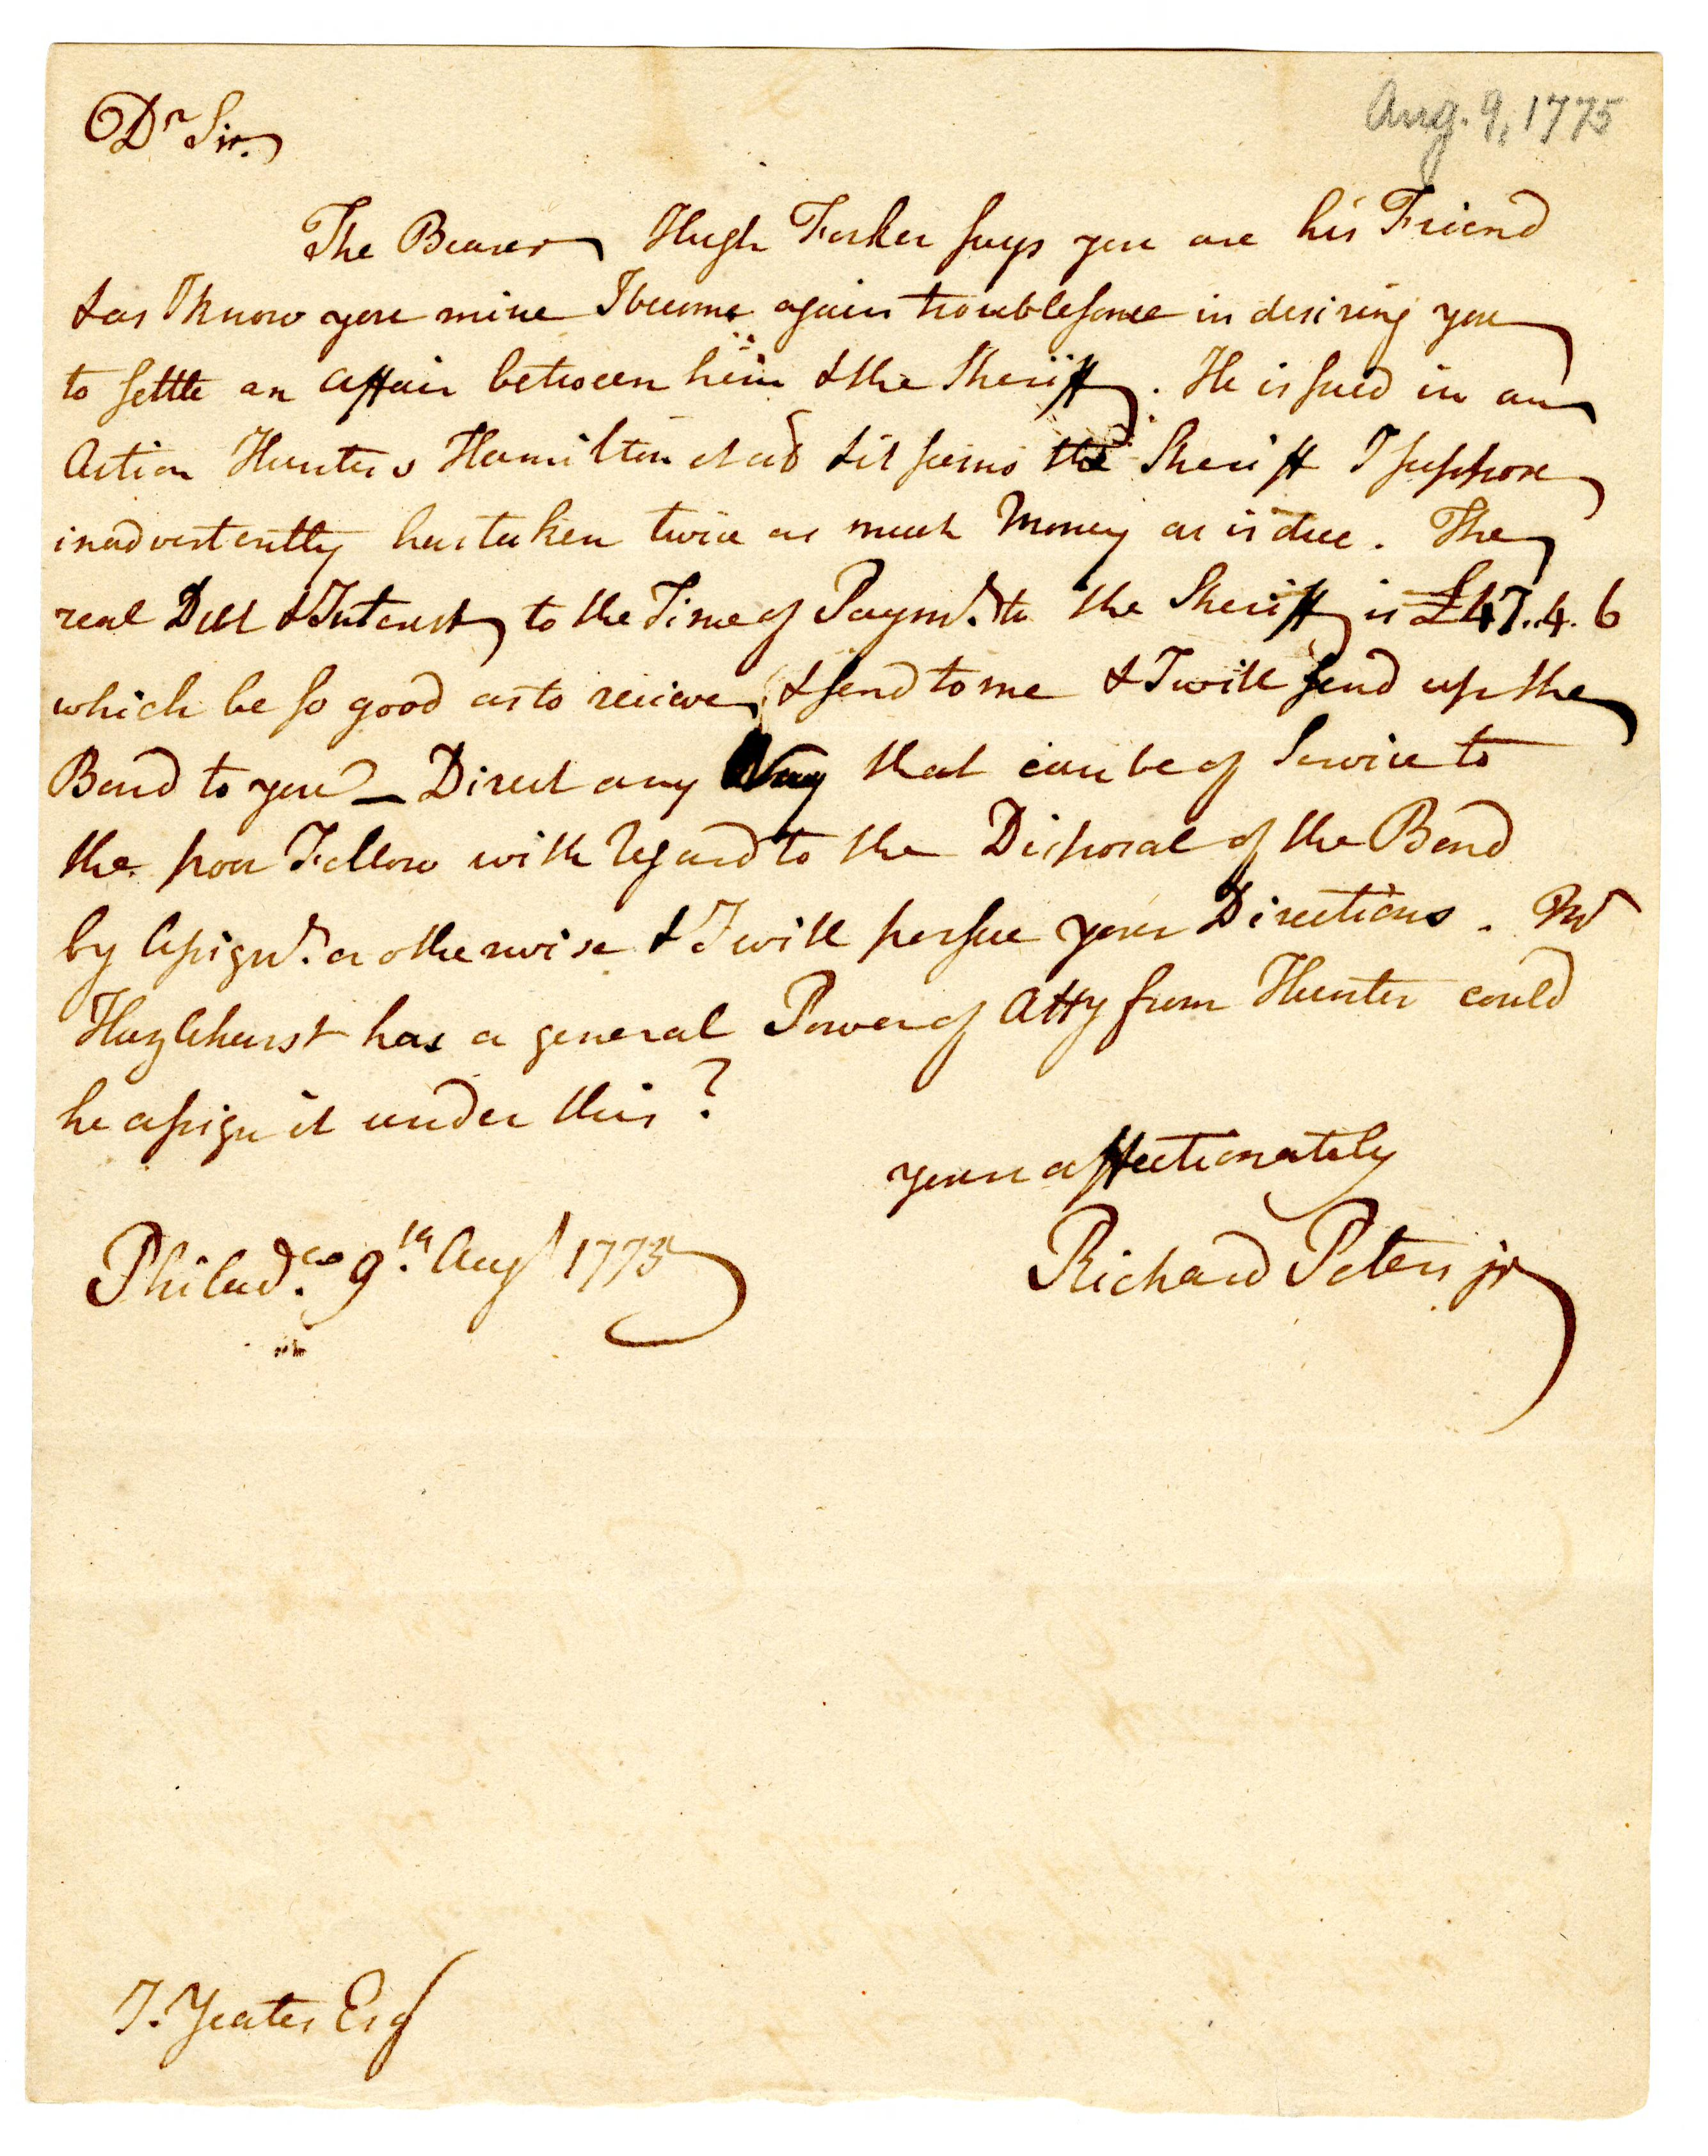D^r Sir,
The Bearer Hugh Ferker says you are his Friend
& as I know you mine I became again troublesome in desiring you
to settle an affair between him & the Sheriff. He is sued in an
Action Hunter Hamilton at ad & it sems the Sheriff I suppose
inadvertently has taken twice as much money as is due. The
real Deal & Tutenest to the Time of Paym^t. to the Sheriff is £47.4.6
which be so good as to receive & send to me & I will send up the
Bond to you. Direct any [___] that can be of Service to
the poor Fellow with regard to the Disposal of the Bond
by Assign^t. otherwise & I will persue your Directions. M^r
Hazlehurst has a general Power of Atty from Hunter could
he assign it under this?
Yours affectionately
Richard Peters jr
Philad^a. 9^th Aug^t 1773
J. Yeates Esq